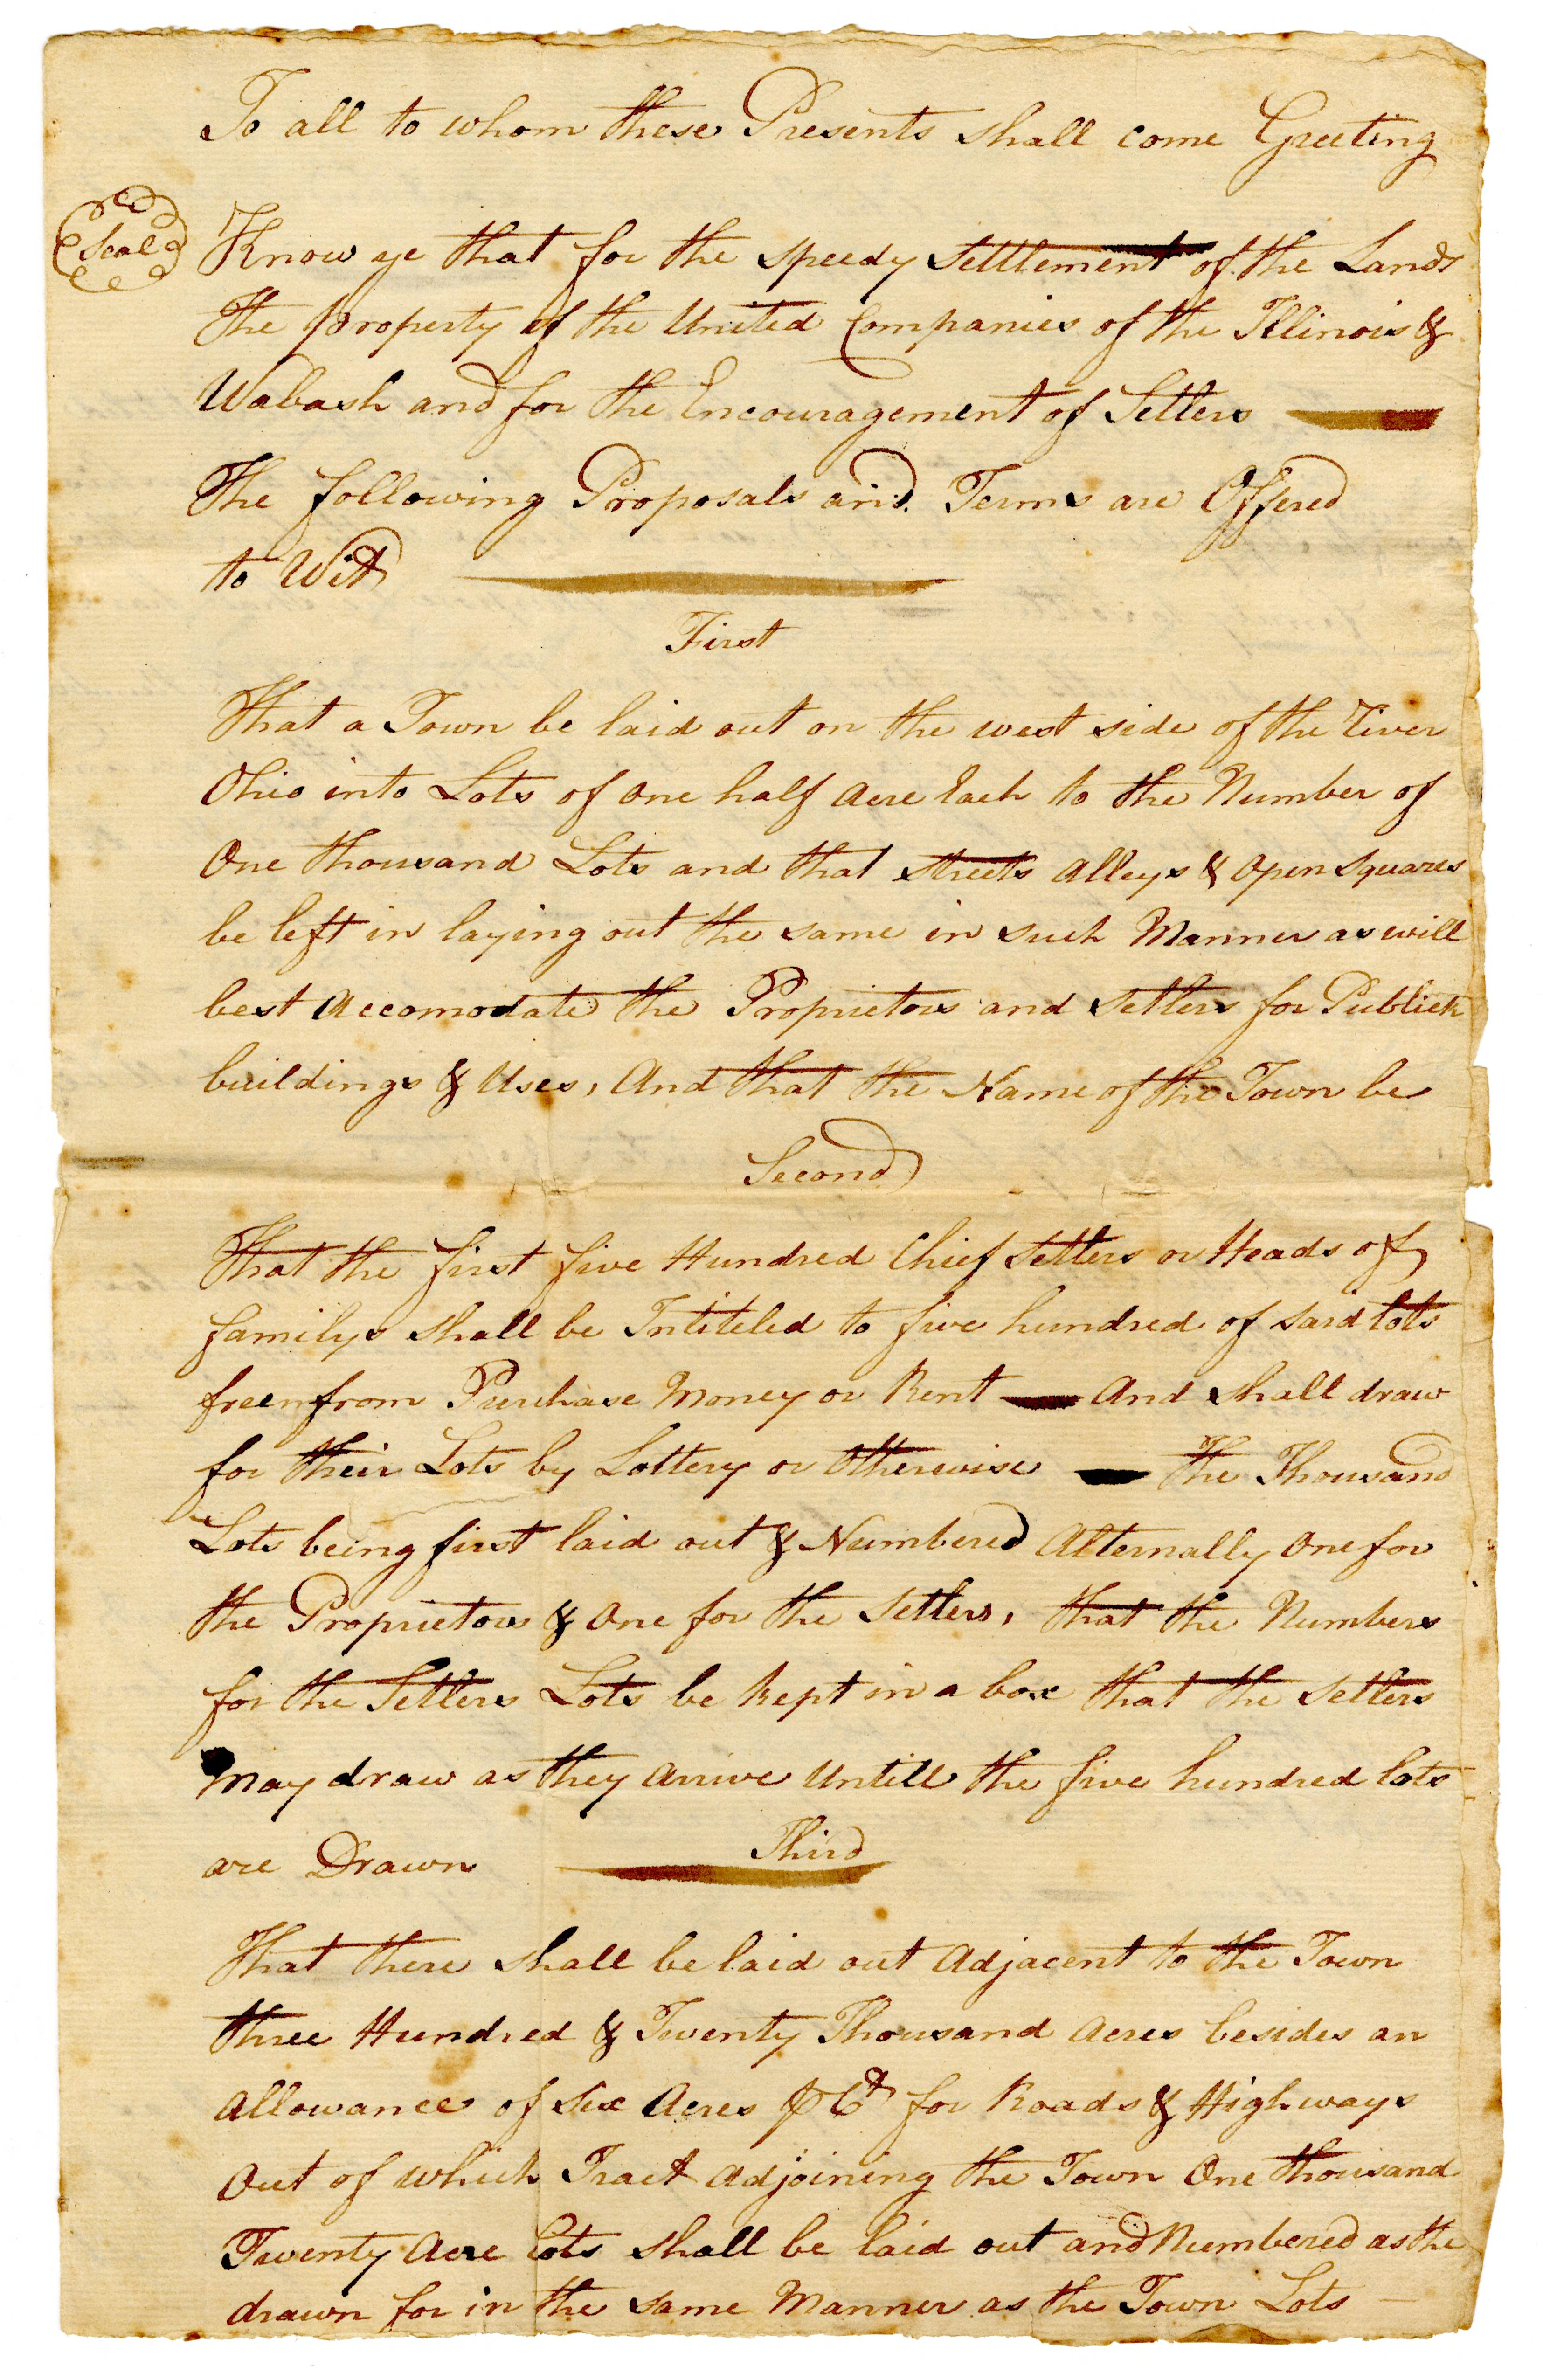To all to whom these Presents shall come Greeting
seal Know ye that for the speedy Settlement of the Lands
The Property of the United Companies of the Illinois &
Wabash and for the Encouragement of Setters-
The following Proposals and Terms are Offered
to Wit
First
That a Town be laid out on the west side of the river
Ohio into Lots of one half acre Each to the Number of
One thousand Lots and that [streets] Alleys & Open Squares
be left in laying out the same in such Manner as will
best Accommodate the Proprietors and Setters for Publick
buildings & Uses, And that the Name of the Town be
Second
that the first five Hundred Chief Letters or Heads of
familys shall be Entitled to five hundred of Said lots
free from Purchase Money or Rent- And shall draw
for their Lots by Lottery or otherwise- The Thousand
Lots being first laid out & Numbered Alternally One for
the Proprietors & One for the Setlers, that the Numbers
for the Setters Lots be kept in a box that the Setlers
May draw as they arrive Untill the five hundred lots
are Drawn
Third
That there shall be laid out Adjacent to the Town
three Hundred & Twenty Thousand Acres besides an
Allowance of Six Acres per 6^a for Roads & Highways
Out of which Tract adjoining the Town One thousand
Twenty Acre lots shall be laid out and numbered as the
drawn for in the same Manner as the Town Lots